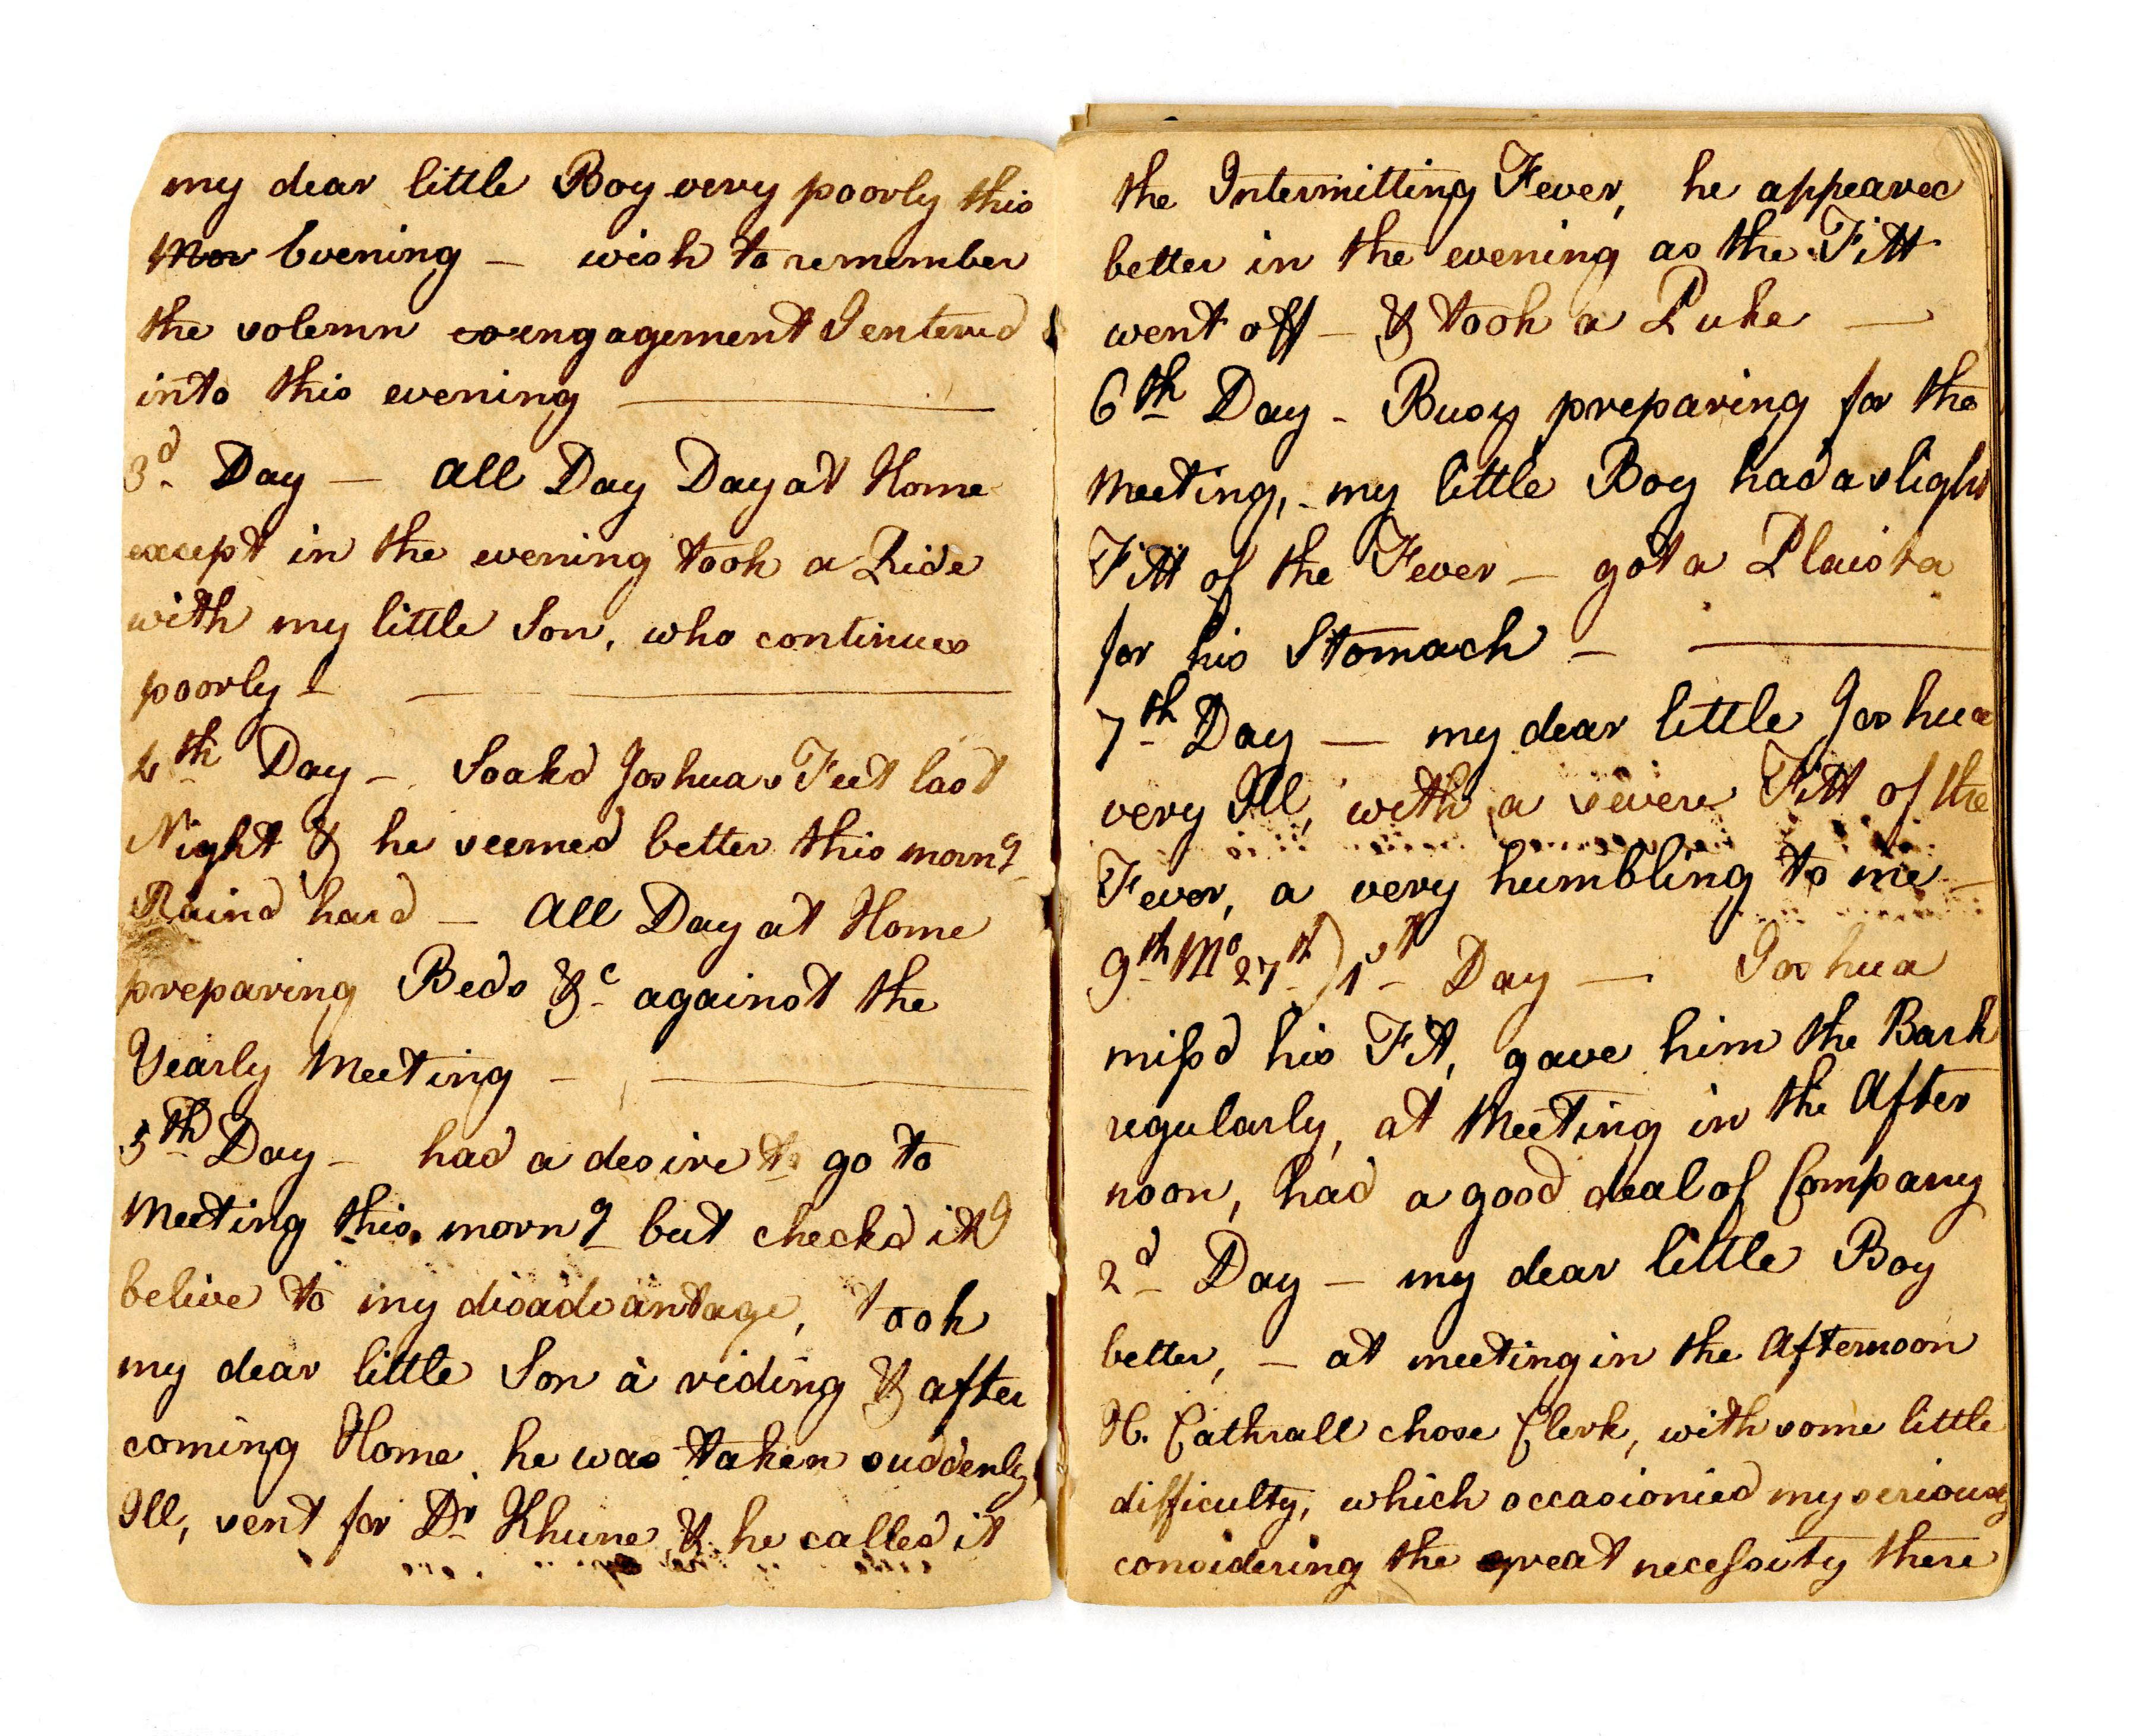my dear little Boy every poorly this
[Mor] Evening- wish to remember
the solemn [ev] engagement I entered
into this evening
3^d. Day- all Day Day at Home
except in the evening took a Ride
with my little Son, who continues
poorly-
4^th Day- Soakd Joshuas Feet last
Night & he seemed better this morn^g
Raind hard- All Day at Home
preparing Beds &^c against the
Yearly Meeting-
5^th Day- had a desire to go to
Meeting this morn^g but checkd it
belive to my disadvantage, took
my dear little Son a riding & after
coming Home he was taken suddenly
Ill, sent for D^r Khune & he called it
the Intermitting Fever, he appeared
better in the evening as the Fitt
went off- & took a Puke-
6^th Day- Busy preparing for the
Meeting, my little Boy had a slight
Fitt of the Fever- got a Plaistor
for his Stomach -
7^th Day- my dear little Jos here
very Il, with a severe Fitt of the
Fever, a very humbling to me-
9^th M^o 27^th) 1^st Day- Joshua
missd his Fit, gave him the Bark
regularly, at Meeting in the After
noon, had a good deal of Company
2^d Day- my dear little Boy
better,- at meeting in the Afternoon
H. Cathrall chose Clerk, with some little
difficulty, which occasionied my serious
considering the great necessity there